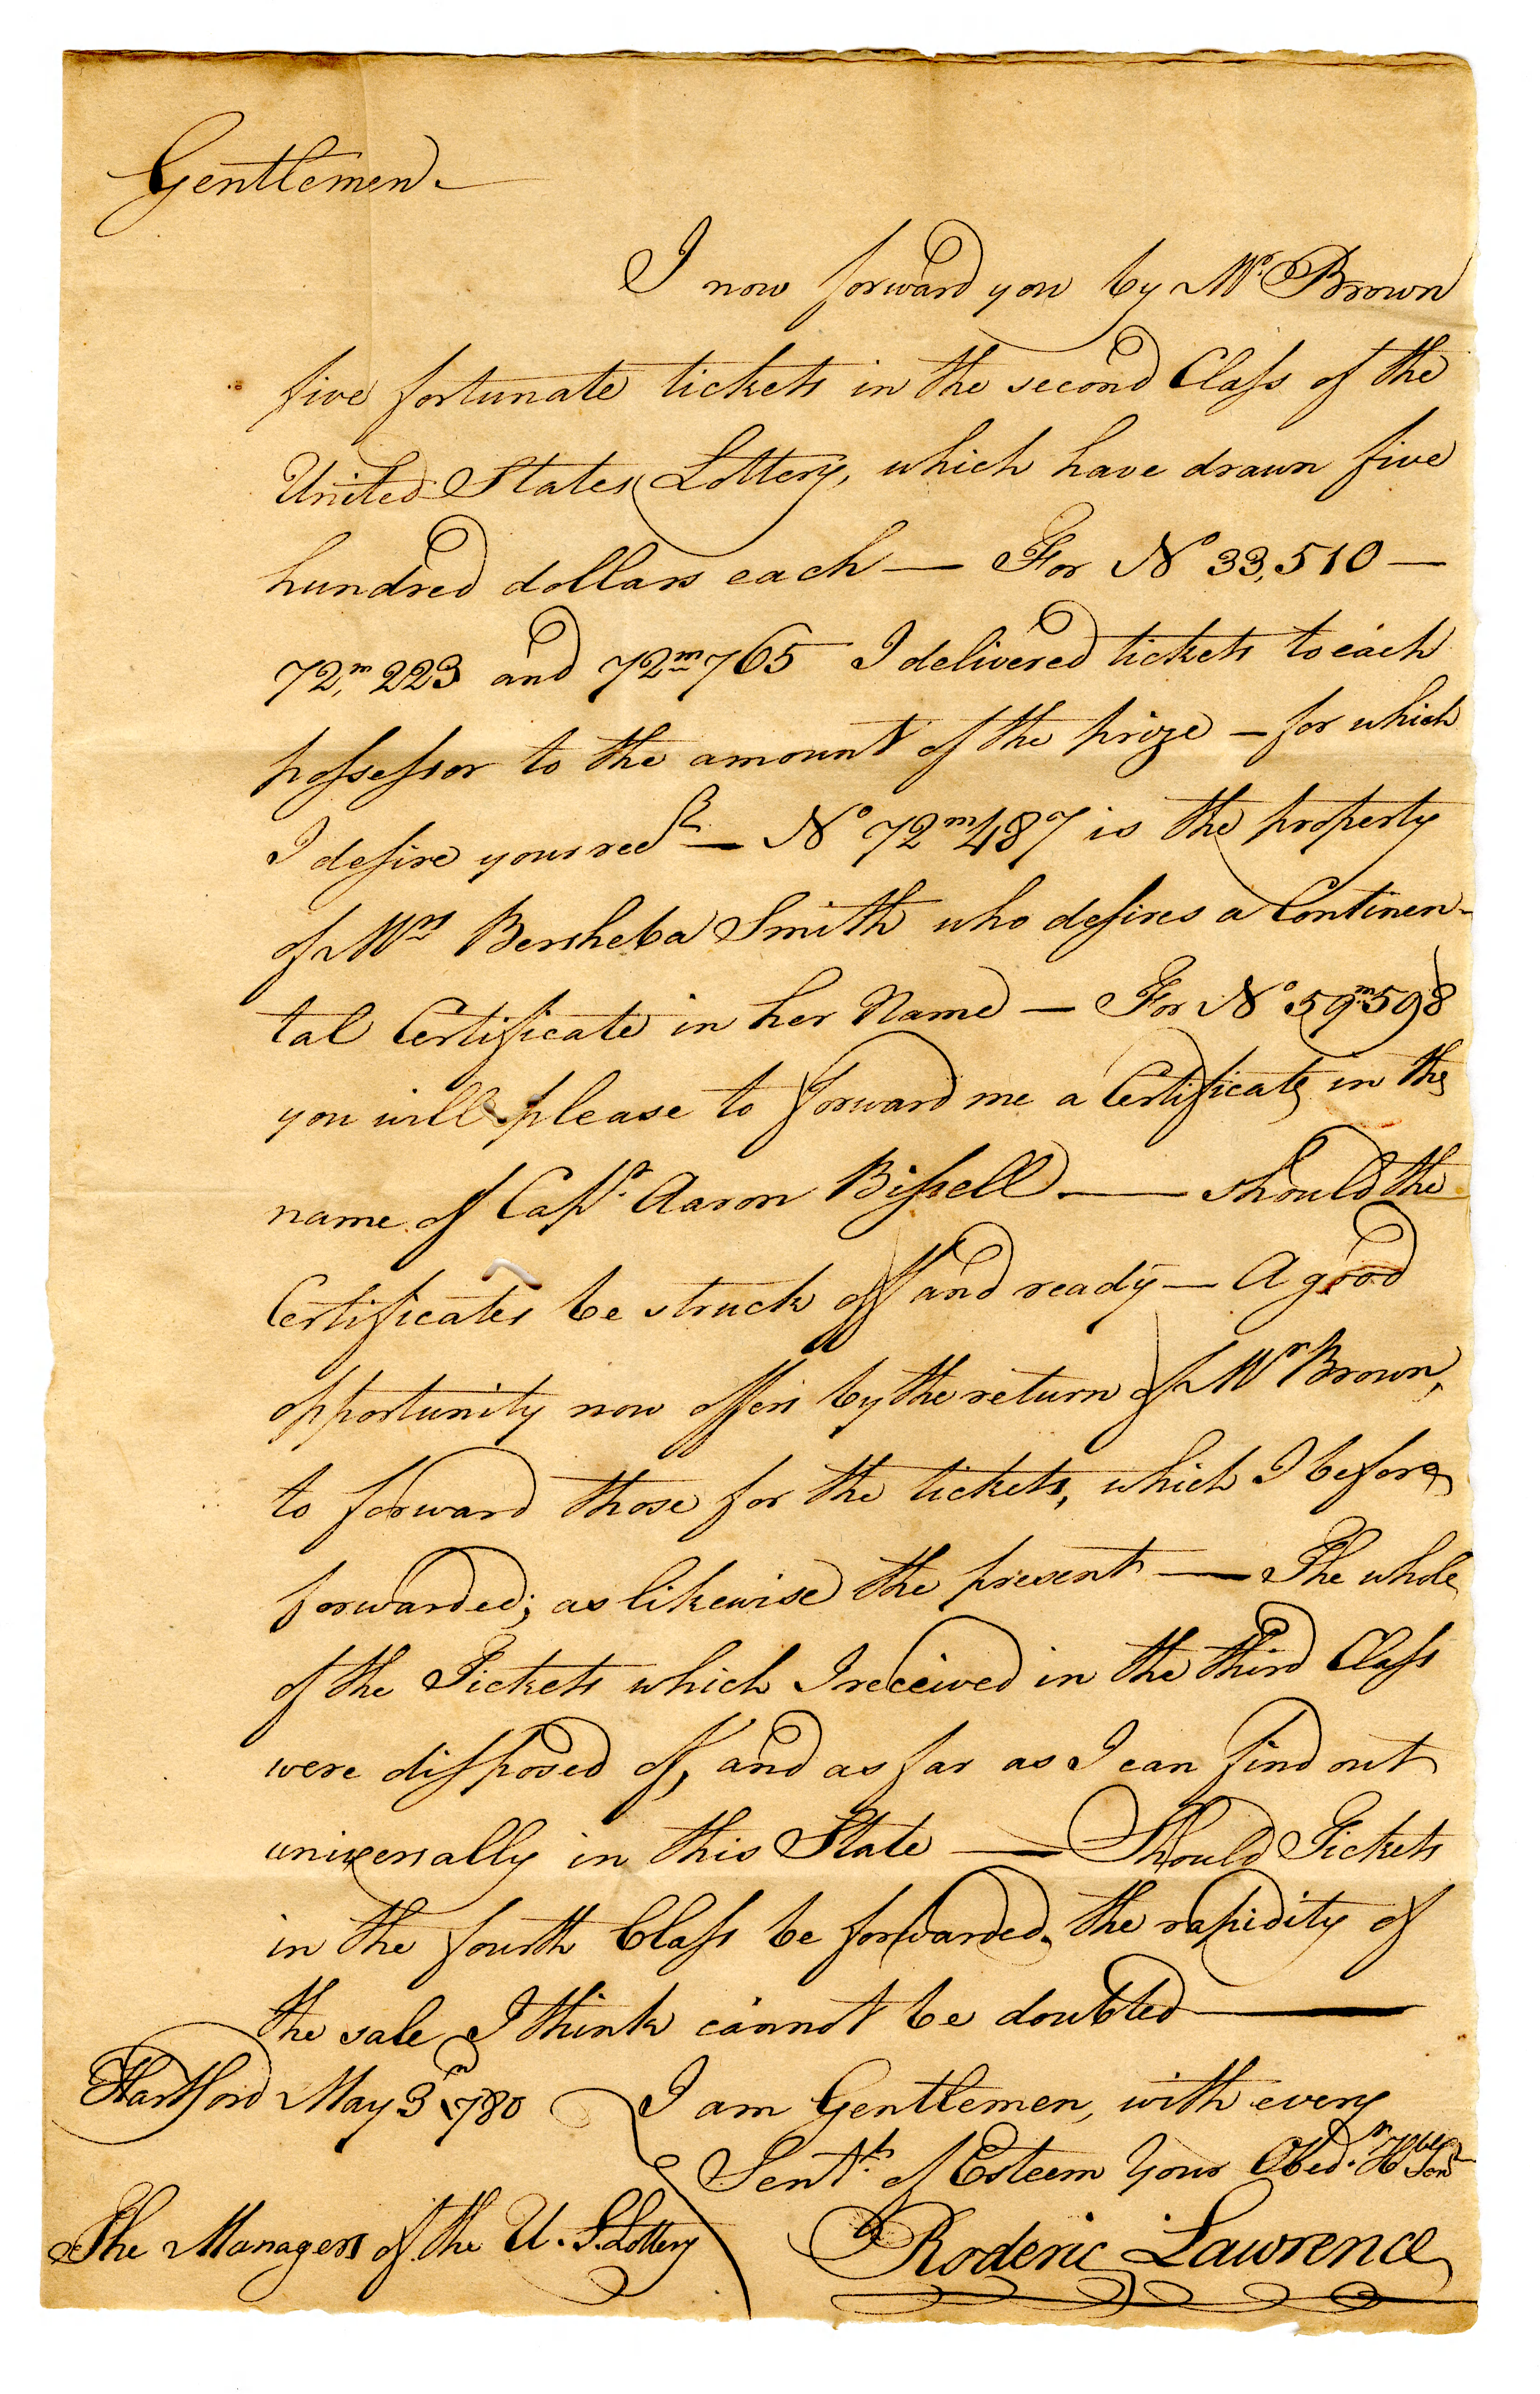Gentlemen-
I now forward you by M^r. Brown
five fortunate tickets in the second Class of the
United States Lottery, which have drawn five
hundred dollars each- For N^o 33,510-
72,^m223 and 72^m765 I delivered tickets to each
possessor to the amount of the prize- for which
I desire your rec^t- N^o 72^m487 is the property
of M^rs Besheba Smith who desires a Continen-
tal Certificate in her name- For N^o 59^m598
you will please to Forward me a Certificate in the
name of Cap^t. Aaron Bisell- should the
Certificates be struck off and ready- A good
opportunity now offers by the return of M^r Brown
to forward those for the tickets which I before
forwarded as likewise the present- The whole
of the Tickets which I received in the third Class
were disposed of, and as far as I can find out
universally in this State- Should Tickets
in the fourth Class be forwarded, the validity of
the sale I think cannot be doubted-
I am Gentlemen, with every
Sent^t. of Esteem Your Obed^t. H^ble Serv^t
Roderic Lawrence
Hartford May 3^rd 1780
The Managers of the U.S. Lottery